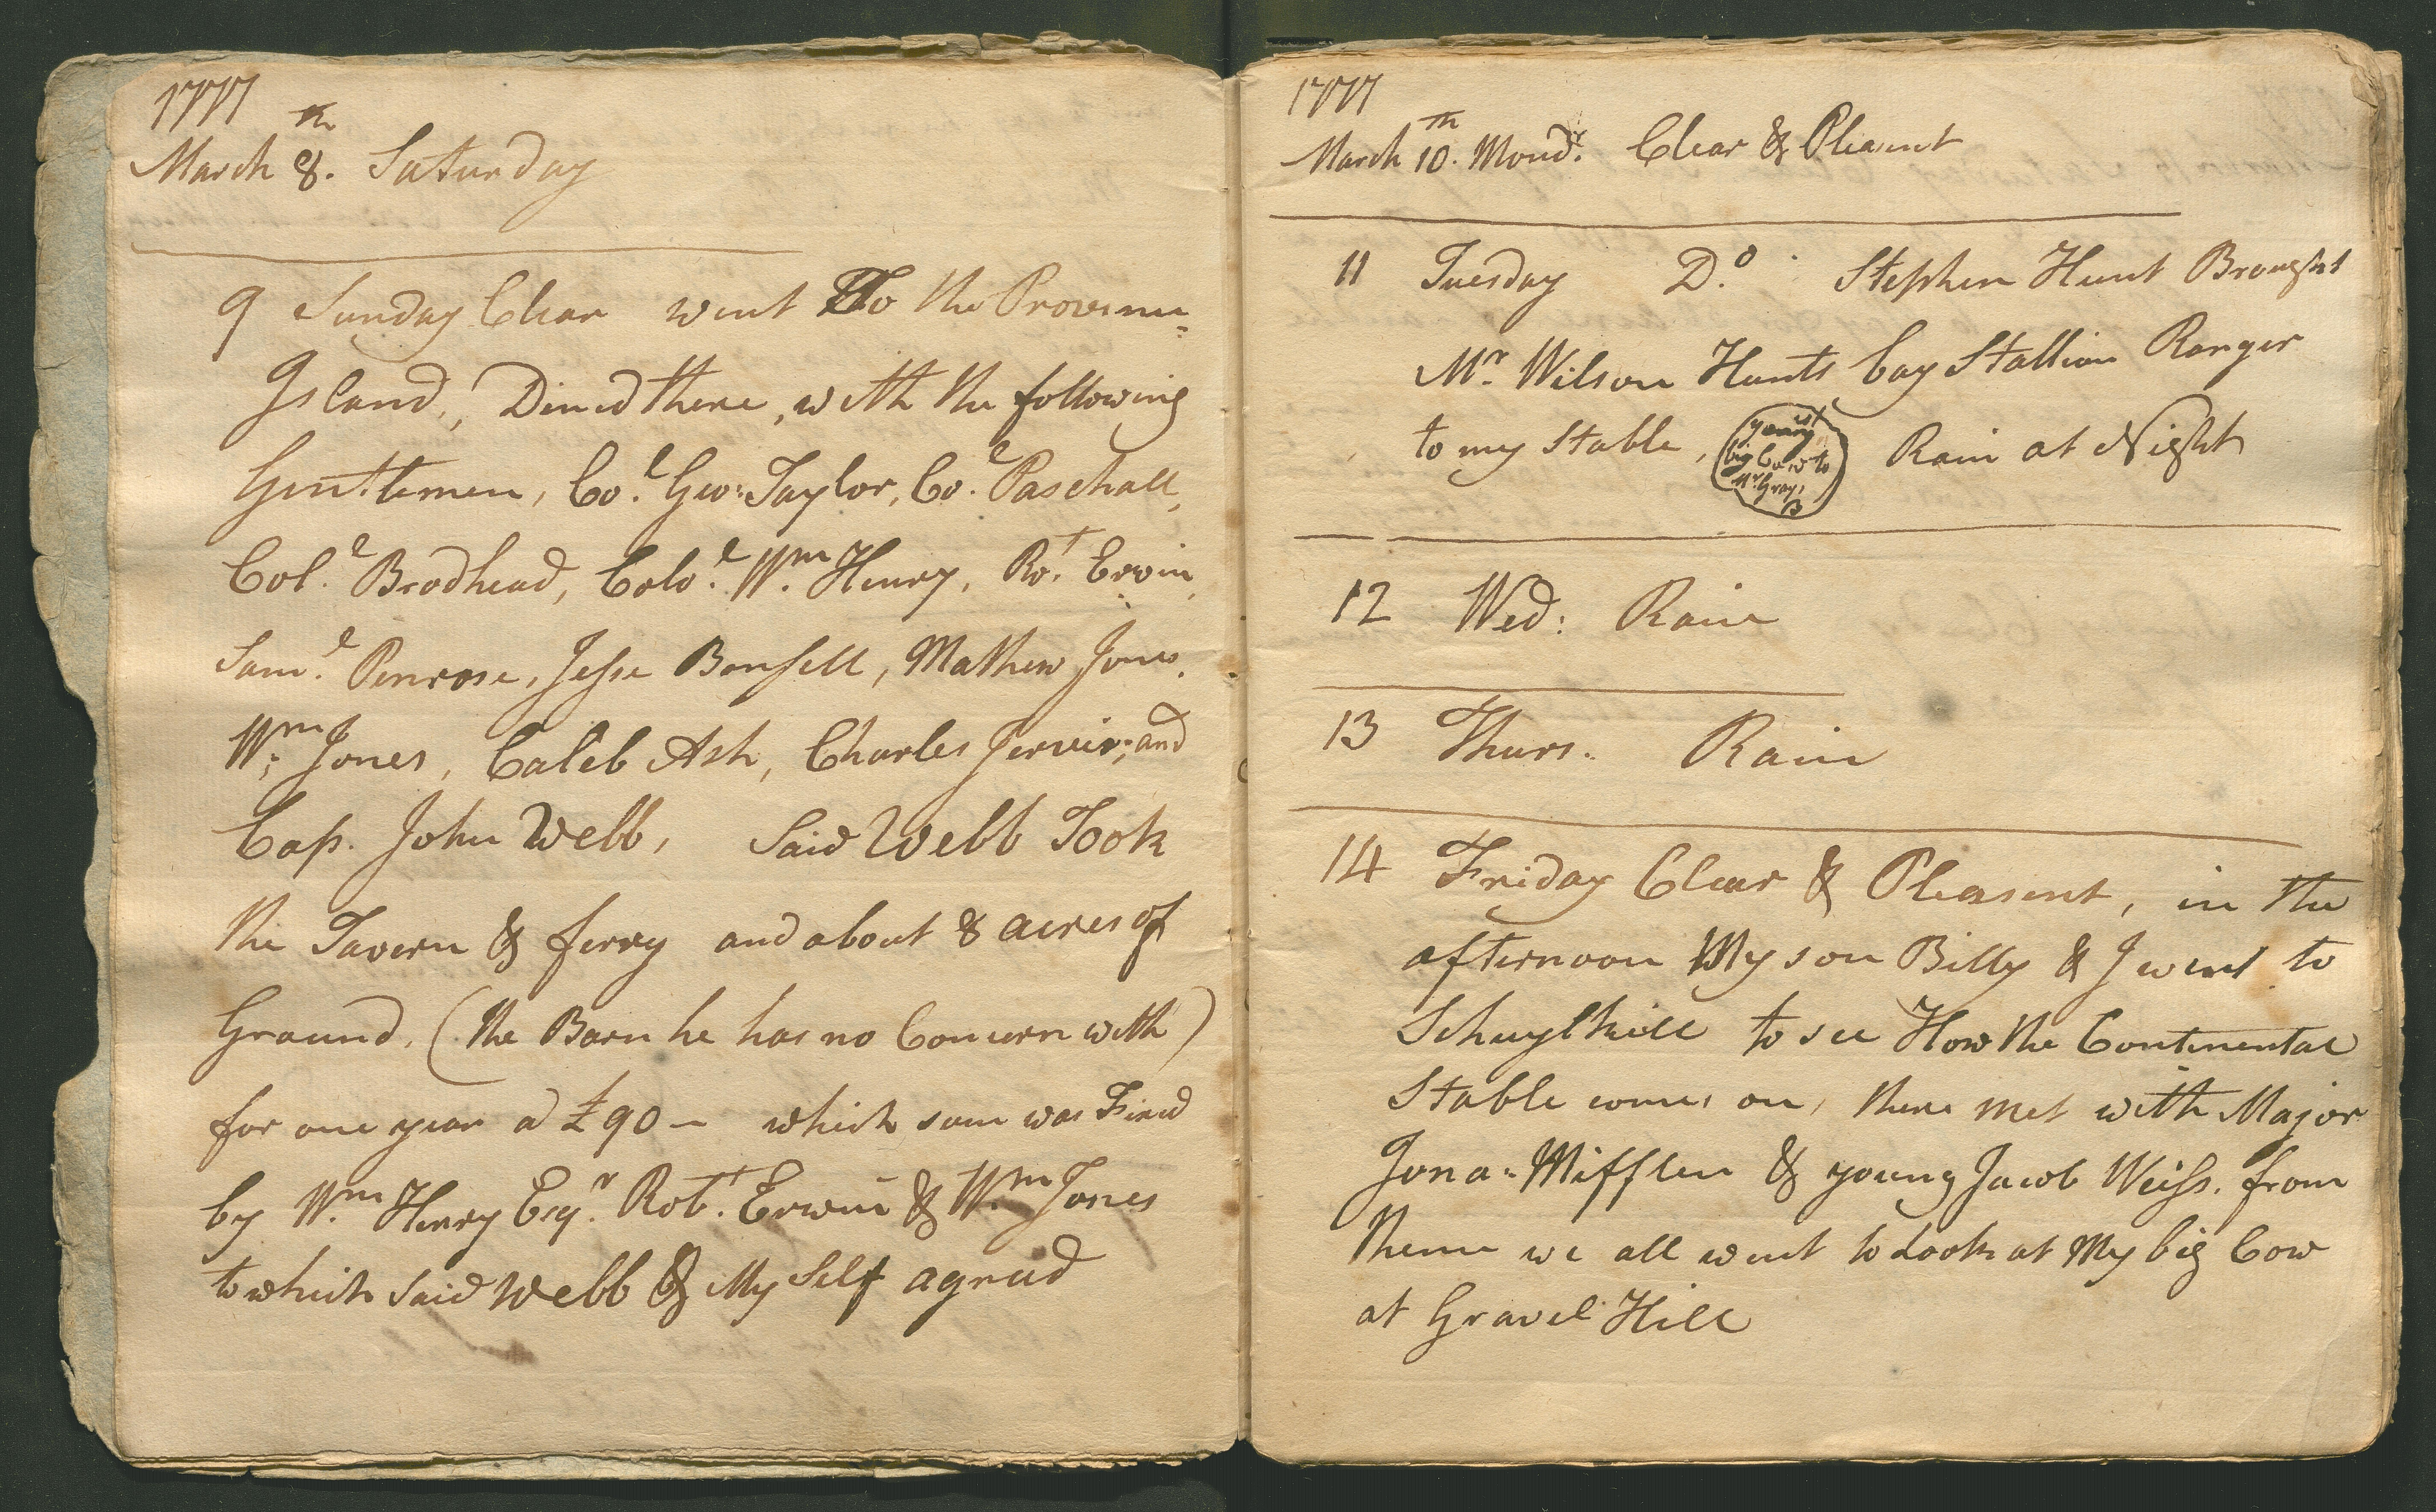1777
March 8^th. Saturday
9 Sunday Clear went To the Province
Island. Dined there with the following
Gentlemen, Co^l. Geo^. Taylor, Co^l. Paschall
Col^. Brodhead. Colo^l. W^m. Henry, Ro^t. Erwin
Sam^l. Penrose, Jesse Bonsell, Mathew Jones
W^m. Jones, Caleb Ash, Charles Jervis; and
Cap. John Webb, Said Webb Took
The Tavern & ferry and about 8 acres of
Ground. (the Barn he has no Concern with)
for one year @ £90- which sum was Fined
by W^m. Henry Esq^r. Rob^t. Erwin & W^m. Jones
to which Said Webb & My self agreed
1777
March 10^th. Mond. Clear & Pleaent
11 Tuesday D^o. Stephen Hunt Brought
M^r. Wilson Hunts bay Stallion Ranger
young
to my Stable, big Cow to Rain at Night
M^r. Grays
12 Wed. Rain
13 Thurs. Rain
14 Friday Clear & Pleasent, in the
afternoon My son Billy & I went to
Schuylkill to see How the Continental
Stable comes on, there met with Major
Jona: Mifflin & young Jacob Weiss. from
thence we all went to Look at My big Cow
at Gravel Hill